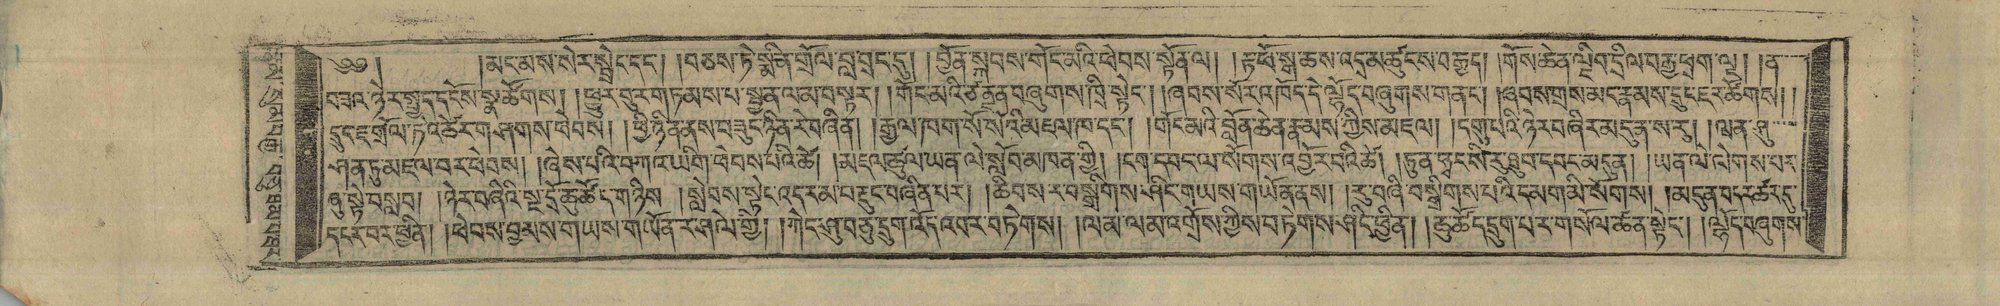༄༅། །མང་མས་སེར་སྦྲེང་དང་། །བཅས་ཏེ་སྨིན་གྲོལ་བླ་བྲང་དུ། །བྱོན་སྐབས་གོང་མའི་ཕེབས་སྟོན་ལ། །རྟ་ཕོ་སྒ་ཆས་འདྲ་མཚུངས་བརྒྱད། །གོས་ཆེན་ལྡིབ་དྲིལ་བརྒྱ་ཕྲག་ལྔ། །ན་
བཟའ་ཉེར་སྤྱད་དངོས་སྣ་ཚོགས། །ཕྱུར་བུར་གཏམས་པ་སྤྱན་ལམ་བསྟར། །གོང་མའི་ཙནྡན་བཞུགས་ཁྲི་སྟེང་། །ཞབས་སོར་འཁོད་དེ་ལྷོད་བཞུགས་གནང་། །ཞབས་གྲས་མང་རྣམས་དྲུང་ཇར་ཚོགས། །
དྲུང་ཇ་གྲོལ་ཏེ་འཚེར་གཤགས་ཕེབས། །ཕྱི་ཉིན་ནས་བཟུང་ཉིན་རེ་བཞིན། །རྒྱལ་ཁག་སོ་སོའི་མཇལ་ཁ་དང་། །གོང་མའི་བློན་ཆེན་རྣམས་ཀྱིས་མཇལ། །དགུ་པའི་ཉེར་བཞིར་མདུན་ས་རུ། །ཝན་ཤུ་
ཤན་ཏུ་མཇལ་བར་ཕེབས། །ཞེས་པའི་བཀའ་ཡིག་ཕེབས་པའི་ཚེ། །མཇལ་ཚུལ་ཡན་ལེ་སློབ་མཁན་གྱི། །ངག་དབང་ལ་སོགས་འབྱོར་བའི་ཚེ། །ཏུན་ཧྭང་སི་རུ་ཐུས་དབང་མདུན། །ཡན་ལེ་ལེགས་པར་
ཞུ་སྟེ་བསླབ། །ཉེར་བཞིའི་སྔ་དྲོ་ཆུ་ཚོད་གཉིས། སླེབས་སྟེང་འདར་མ་བརྡུང་བཞིན་པར། །ཆིབས་ར་བསྒྲིགས་ཤིང་གཡས་གཡོན་ནས། །རུ་བཞི་བསྒྲིགས་པའི་དམག་མི་སོགས། །མདུན་བདར་ཚར་དུ་
དངར་བར་ཕྱིན། །ཕེབས་བྱམས་གཡས་གཡོན་ར་ཤེལ་གྱི། །ཀེང་ཤུ་བཅུ་དྲུག་འོད་འབར་བཏེགས། །ལམ་ལམ་འགྲོས་ཀྱིས་བཏེགས་ཤིང་ཕྱིན། །ཆུ་ཚོད་དྲུག་པར་གསོལ་ཚན་སྟེང་། །ལྷོད་བཞུགས་